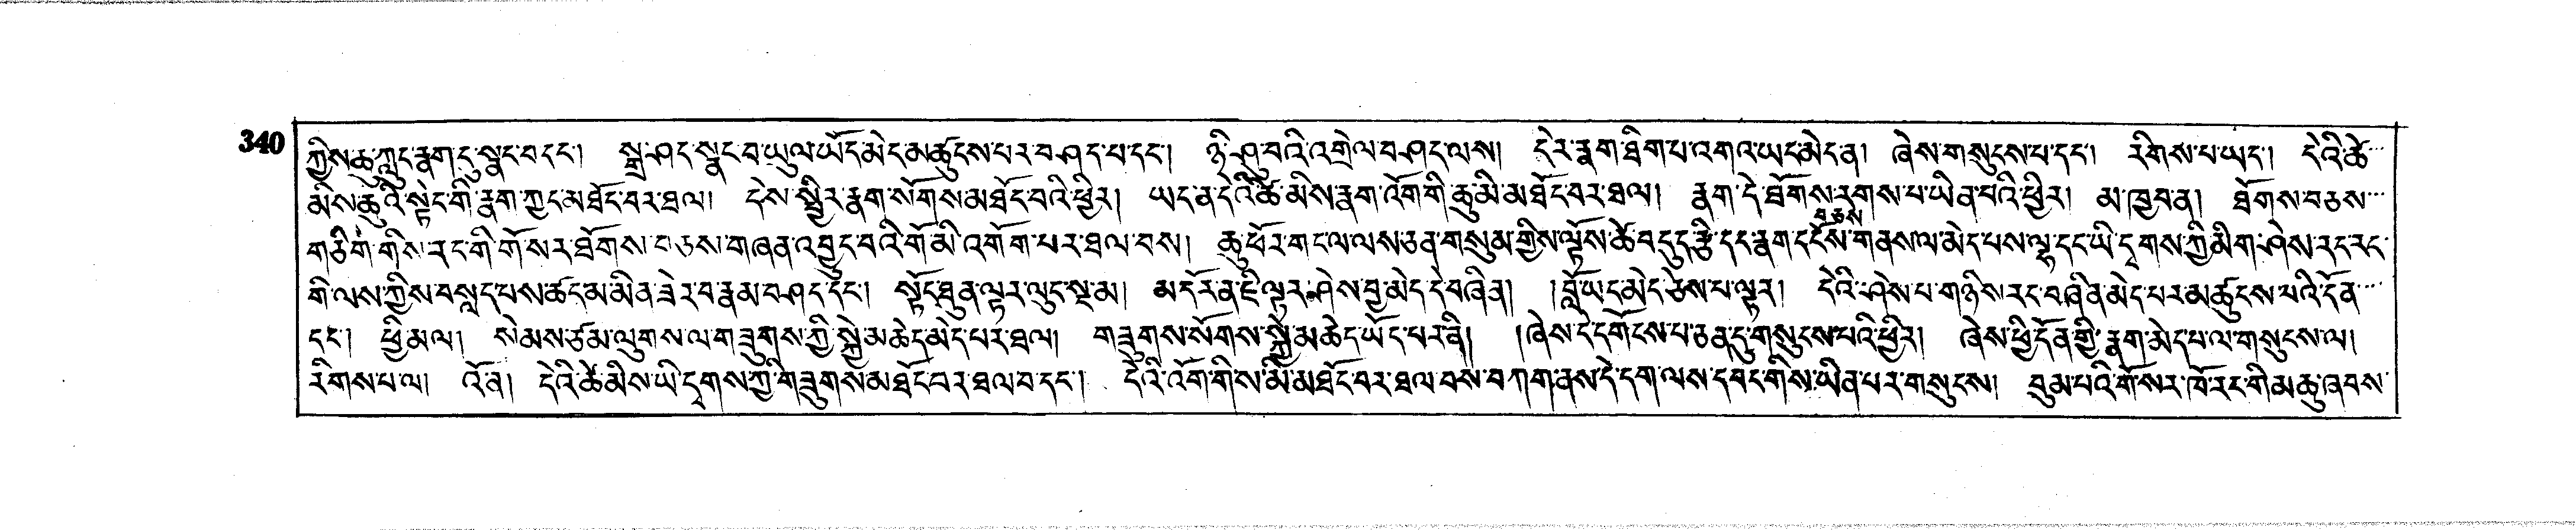ཀྱིས་ཆུ་ཀླུང་རྣག་དུ་སྣང་བ་དང་། སྒྲ་ཤད་སྣང་བ་ཡུལ་ཡོད་མེད་མཚུངས་པར་བཤད་པ་དང་། ཉི་ཤུ་བའི་འགྲེལ་བཤད་ལས། དེར་རྣག་ཐིག་པ་འགའ་ཡང་མེད་ན། ཞེས་གསུངས་པ་དང་། རིགས་པ་ཡང་། དེའི་ཚེ་
མིས་ཆུའི་སྟེང་གི་རྣག་ཀྱང་མཐོང་བར་ཐལ། དེས་སྤྱིར་རྣག་སོགས་མཐོང་བའི་ཕྱིར། ཡང་ན་དེའི་ཚེ་མིས་རྣག་འོག་གི་ཆུ་མི་མཐོང་བར་ཐལ། རྣག་དེ་ཐོགས་བཅས་རགས་པ་ཡིན་པའི་ཕྱིར། མ་ཁྱབ་ན། ཐོགས་བཅས་
གཅིག་གིས་རང་གི་གོ་སར་ཐོགས་བཅས་གཞན་འབྱུང་བའི་གོ་མི་འགོག་པར་ཐལ་བས། ཆུ་ཕོར་གང་ལ་ལས་ཅན་གསུམ་གྱིས་ལྟོས་ཚེ་བདུད་རྩི་དང་རྣག་དངོས་གནས་ལ་མེད་པས་ལྷ་དང་ཡི་དྭགས་ཀྱི་མིག་ཤེས་རང་རང་
གི་ལས་ཀྱིས་བསླད་པས་ཚད་མ་མིན་ཟེར་བ་རྣམ་བཤད་དང་། སྟོང་ཐུན་ལྟར་ལུང་སྔ་མ། མདོར་ན་ཇི་ལྟར་ཤེས་བྱ་མེད་དེ་བཞིན། །བློ་ཡང་མེད་ཅེས་པ་ལྟར། དེའི་ཤེས་པ་གཉིས་རང་བཞིན་མེད་པར་མཚུངས་པའི་དོན་
དང་། ཕྱི་མ་ལ། སེམས་ཙམ་ལུགས་ལ་གཟུགས་ཀྱི་སྐྱེ་མཆེད་མེད་པར་ཐལ། གཟུགས་སོགས་སྐྱེ་མཆེད་ཡོད་པར་ནི། །ཞེས་དེ་དགོངས་པ་ཅན་དུ་གསུངས་པའི་ཕྱིར། ཞེས་ཕྱི་དོན་གྱི་རྣག་མེད་པ་ལ་གསུངས་ལ།
རིགས་པ་ལ། འོ་ན། དེའི་ཚེ་མིས་ཡི་དྭགས་ཀྱི་གཟུགས་མཐོང་བར་ཐལ་བ་དང་། དེའི་འོག་གི་ས་མི་མཐོང་བར་ཐལ་བས་བཀག་ནས་དེ་དག་ལས་དབང་གིས་ཡིན་པར་གསུངས། བུམ་པའི་གོ་སར་ཁོ་རང་གི་མཆུ་ཞབས་